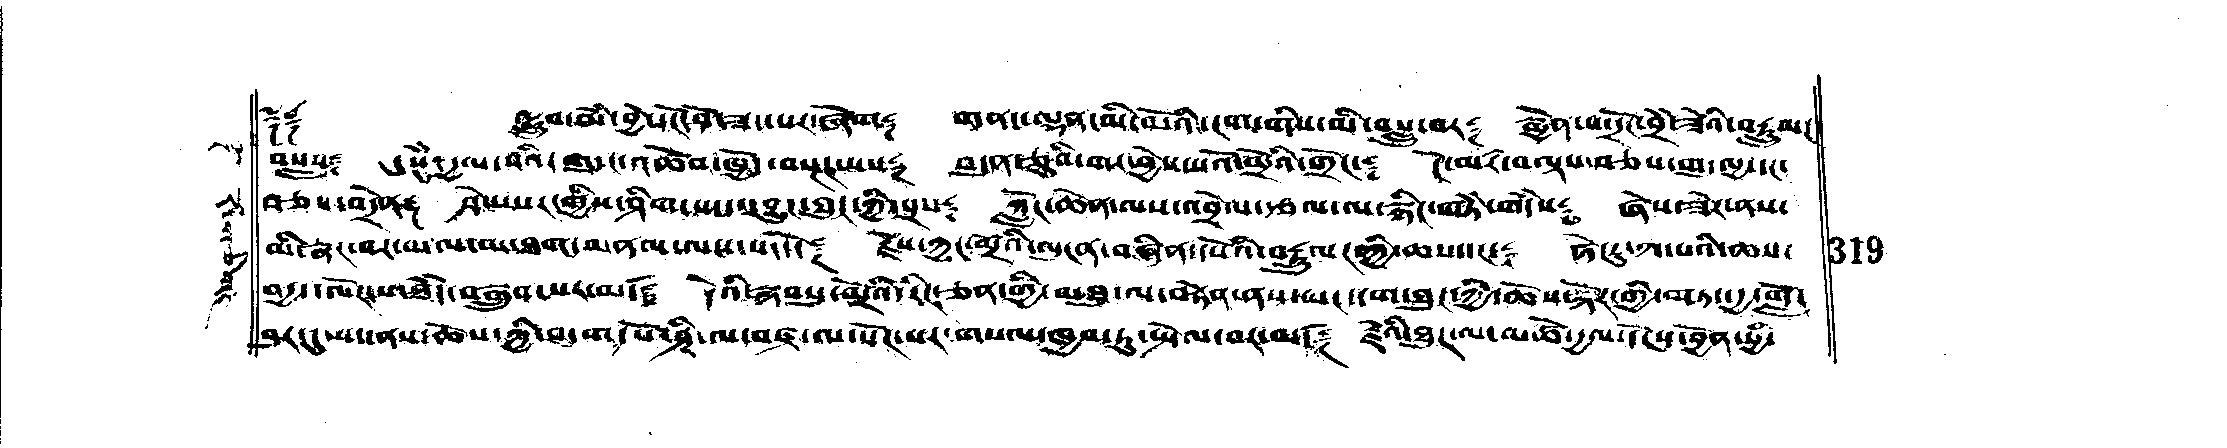།ལྷུན་གྲུབ་ལམ་བྱེད་ངོ་བོ་ཟད་སར་ཞོག །གནད་ལྡན་མི་མོའི་ངག་གིས་མི་བསླུ་བར། །སྨྱོན་པ་དྲང་པོ་བྲམ་ཟེའི་བརྟུལ་ཞུགས་
བསླབ། །དུས་གསུམ་རྒྱལ་བའི་གདུང་འཚོབ་ཁྱོད་བསྔགས་པས། །བདུན་ཅུའི་གར་བྱེད་དཔའ་བོ་མཁའ་འགྲོའི་གྲོང་། །ངོ་མཚར་བལྟས་བཅས་གདུལ་བྱ་དང་
བཅས་འདྲེན། །ཤེས་པར་གྱིས་ཤིག་པད་འབྱུང་ཐུགས་ཀྱི་སྲས། །ཀློང་ཆེན་ལས་འབྲེལ་རྩལ་ལ་སྙིང་གཏམ་གདམས། །ཞེས་ཟེར་ནས་
མི་སྣང་བར་ཡལ་མ་ཐག་མནལ་ལས་སད་དོ། རྗེས་ཀྱང་མཁའ་འགྲོའི་ལུང་བསྟན་བཞིན་དཔའ་བོའི་བརྟུལ་ཞུགས་ཀྱི་ཆས་དང་། ཧེ་རུ་ཀ་པའི་ཆས་
བརྒྱད་ལ་སོགས་པ་ཐམས་ཅད་བསྒྲུབ་པར་མཛད། དེའི་སྐབས་སུ་མཁའ་འགྲོའི་རིགས་ཅན་གྱི་མཐུ་ལ་བརྟེན་ནས་ཡང་དག་ཐུགས་ཀྱི་ཆོས་སྐོར་གྱི་གཏད་རྒྱ་གློ་
བུར་དུ་སད་ནས་ཆོས་ཀྱི་བདག་པོ་ཤཱི་ལ་བཛྲ་ལ་སོགས་པར་གསལ་ཁྱབ་ཏུ་སྤེལ་བར་མཛད། རྗེའི་ཐུགས་ལ་མཚོ་རྒྱལ་དངོས་བྱོན་གསུང་